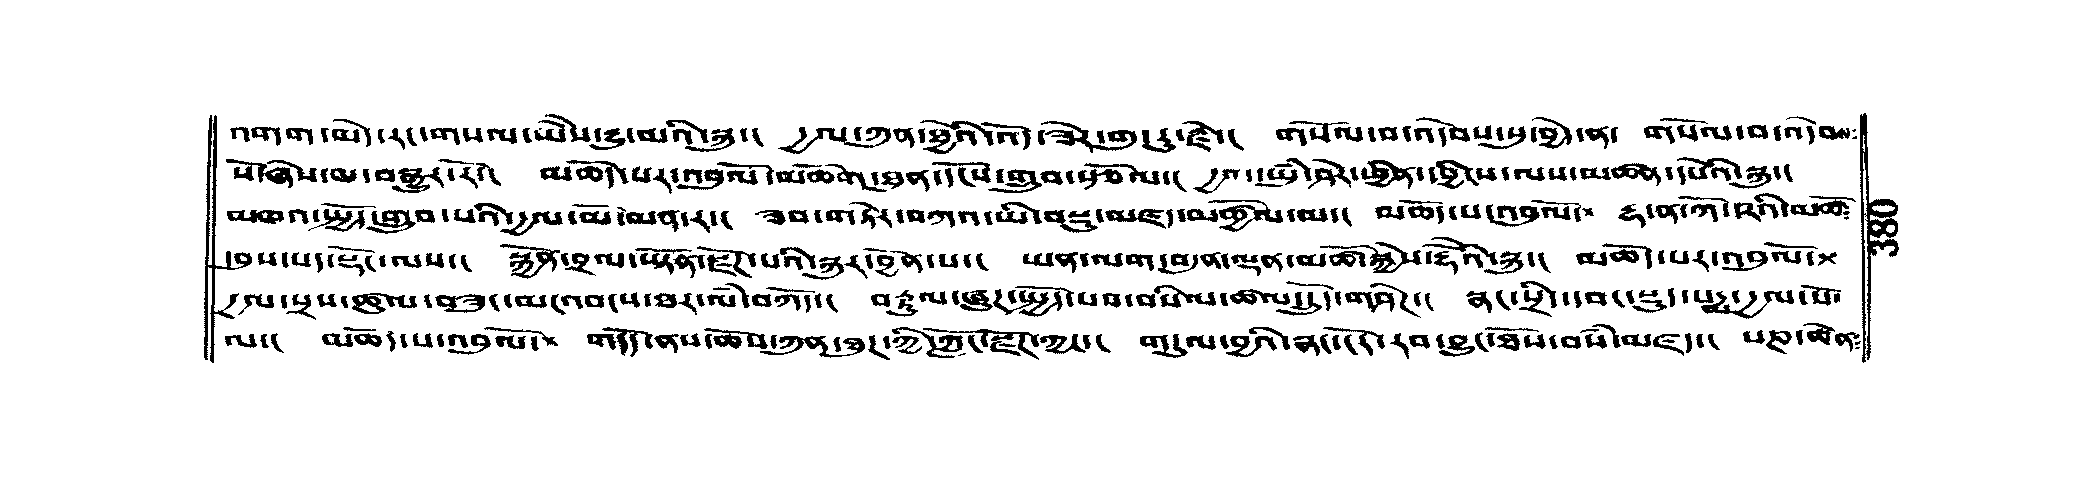།འགགས་མེད་རང་གསལ་ཡེ་ཤེས་སྒྱུ་མའི་སྐུ། །རྒྱལ་ཀུན་ཐུགས་རྗེའི་འོད་ཟེར་གུ་རུ་རྗེ། གསོལ་འདེབས་སུ་བྱེད་ན། །གསོལ་བ་འདེབས་
སོ་ཞེས་ཁ་བསྒྱུར་རོ། །མཆོད་པར་འབུལ་ལོ་མཆོག་ཐུན་དངོས་གྲུབ་སྩོལ། །རྒྱལ་ཡུམ་ཤེར་ཕྱིན་དབྱིངས་ལས་མཚན་དཔེའི་སྐུ། །
མཁའ་སྤྱོད་གྲུབ་པའི་རྒྱལ་མོ་མནྡྷ་ར། །ཟབ་གཏེར་བཀའ་ཡི་བསྡུ་མཛད་མཚོ་རྒྱལ་མ། །མཆོད་པ་འབུལ་ལོ༴ །དྷ་ན་ཀོ་རའི་མཚོ་
དབུས་པད་སྡོང་ལས། །སྐྱོན་བྲལ་ཡོན་ཏན་རྫོགས་པའི་སྐུར་བྱོན་པ། །ཡན་ལག་བདུན་ལྡན་མཚོ་སྐྱེས་རྡོ་རྗེའི་སྐུ། །མཆོད་པར་འབུལ་ལོ༴ །
རྒྱལ་སྲས་ཚུལ་བཟུང་མངའ་འབངས་ཐར་ལམ་བཀོད། །བརྟུལ་ཞུགས་སྤྱོད་པས་བསིལ་ཚལ་དུར་ཁྲོད་གཤེགས། །སྣང་སྲིད་དབང་སྡུད་པདྨ་རྒྱལ་པོ་
ལ། །མཆོད་པ་འབུལ་ལོ༴ །གདོད་ནས་ཆོས་ཀུན་ཐུགས་ཀྱི་ཀློང་རྫོགས་ཀྱང་། །གདུལ་བྱའི་སྣང་ངོར་རབ་བྱུང་ཐོས་བསམ་མཛད། །པཎ་ཆེན་